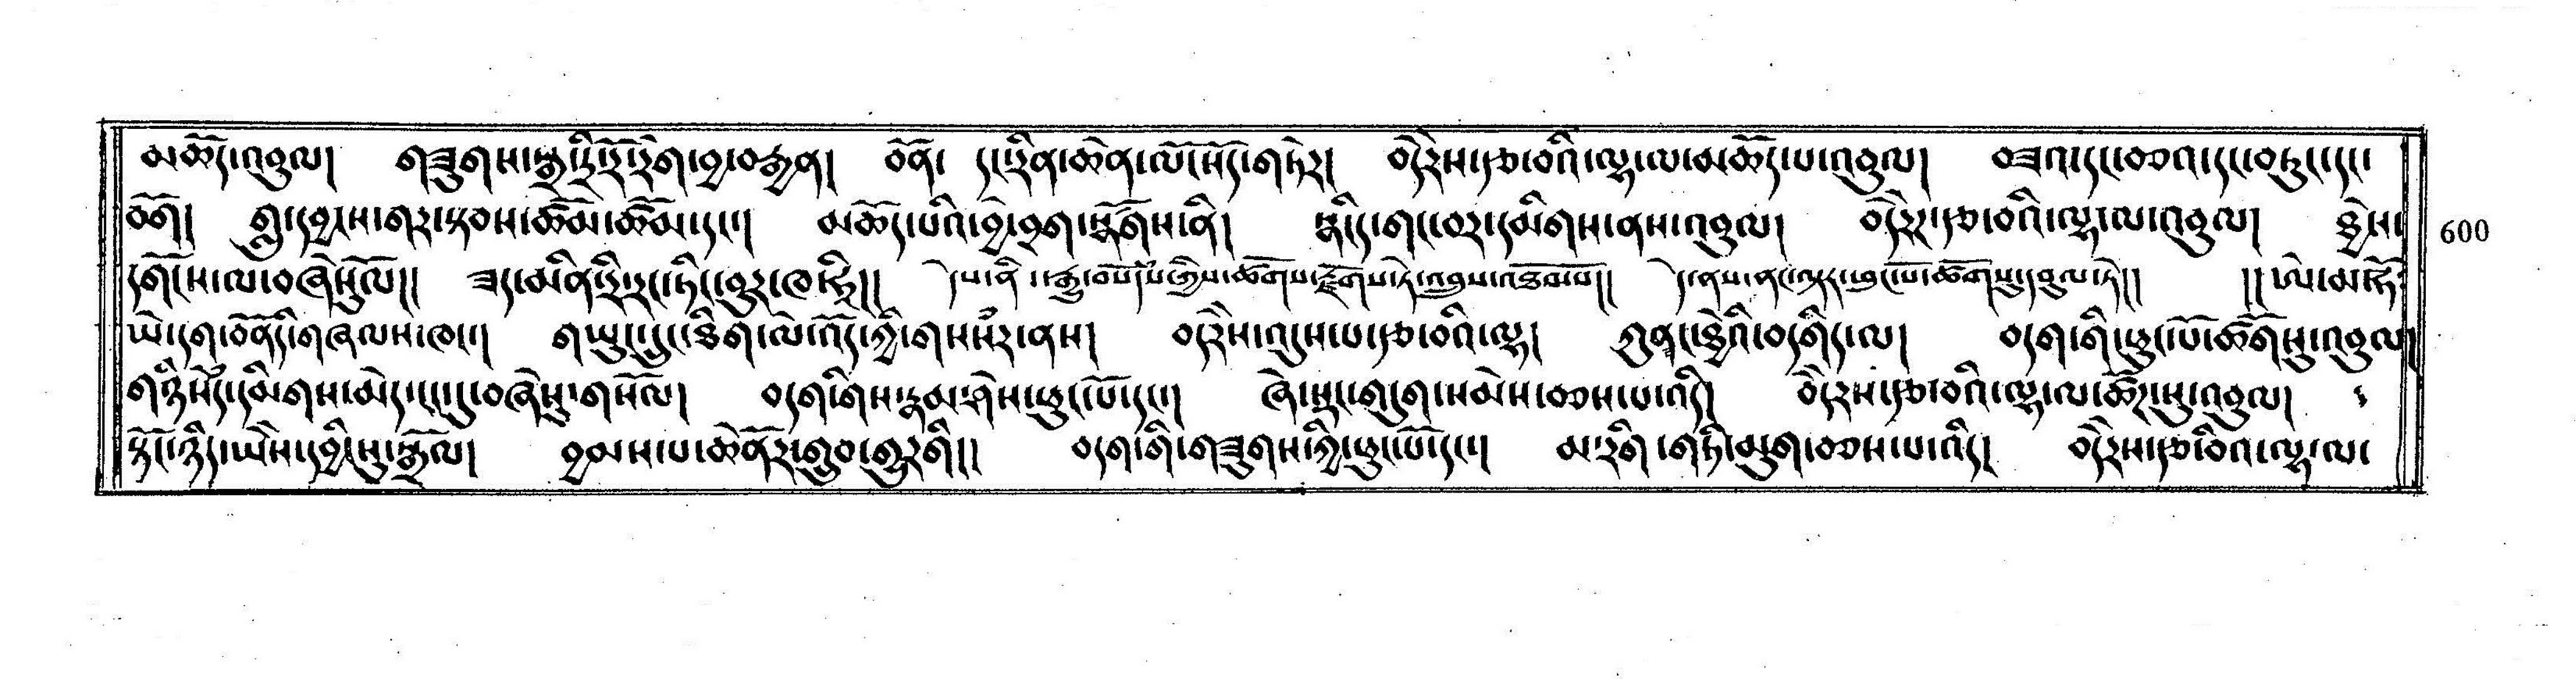མཆོད་འབུལ། གཟུགས་སྒྲ་དྲི་རོ་རེག་བྱ་བརྒྱན། བོན་དང་རིན་ཆེན་ལོངས་སྤྱོད་གཏེར། བདེར་གཤེགས་རྩ་བའི་ལྷ་ལ་མཆོད་པ་འབུལ། བཟའ་དང་བཅའ་དང་བཏུང་དང་
བོག། གླུ་དབྱངས་གར་སྟབས་ཚོམ་ཚོམ་དང་། མཆོད་པའི་བྱེ་བྲག་སྣ་ཚོགས་ནི། སྣང་སྲིད་གང་བར་དམིགས་ནས་འབུལ། བདེར་གཤེགས་རྩ་བའི་ལྷ་ལ་འབུལ། ཐུགས་རྗེ་
དགོངས་ལ་བཞེས་སུ་གསོལ།། ཟད་མིན་རི་རང་ཏིང་བུར་ཁ་ཧཱི།། དེས་ནི་རྒྱུ་བསོད་ནམས་ཀྱིས་ཚོགས་རྫོགས་ཏེ་འབྲས་བུ་འཐོབ་པོ།། དེ་ནས་ནང་ལྟར་ཕུང་པོ་ཚོགས་སུ་དབུལ་ཏེ།། །།ཨེ་མ་ཧོ། 
ཡེ་དག་བོན་ཉིད་གཞལ་ཡས་ཁང་། གཡུང་དྲུང་ཐིག་ལེ་འོད་ཀྱི་གསས་མཁར་ནས། བདེར་གཤེགས་འདུས་པ་རྩ་བའི་ལྷ། ཀུན་བཟང་ཐུགས་རྗེའི་བདག་ཉིད་ལ། བདག་གི་ཕུང་པོ་ཚོགས་སུ་འབུལ། 
གཉིས་མེད་དམིགས་མེད་ངང་དུ་བཞེས་སུ་གསོལ། བདག་གིས་རྣམ་ཤེས་ཕུང་པོ་དང་། ཞེ་སྡང་གདུག་སེམས་བཅས་པ་འདི། བདེར་གཤེགས་རྩ་བའི་ལྷ་ལ་ཚོགས་སུ་འབུལ། 
སྟོང་ཉིད་ཡེ་ཤེས་དབྱིངས་སུ་སྒྲོལ། བྱམས་པ་ཆེན་པོར་གྲུབ་གྱུར་ཅིག བདག་གི་གཟུགས་ཀྱི་ཕུང་པོ་དང་། མ་རིག་གཏི་མུག་བཅས་པ་འདི། བདེར་གཤེགས་རྩ་བའི་ལྷ་ལ་